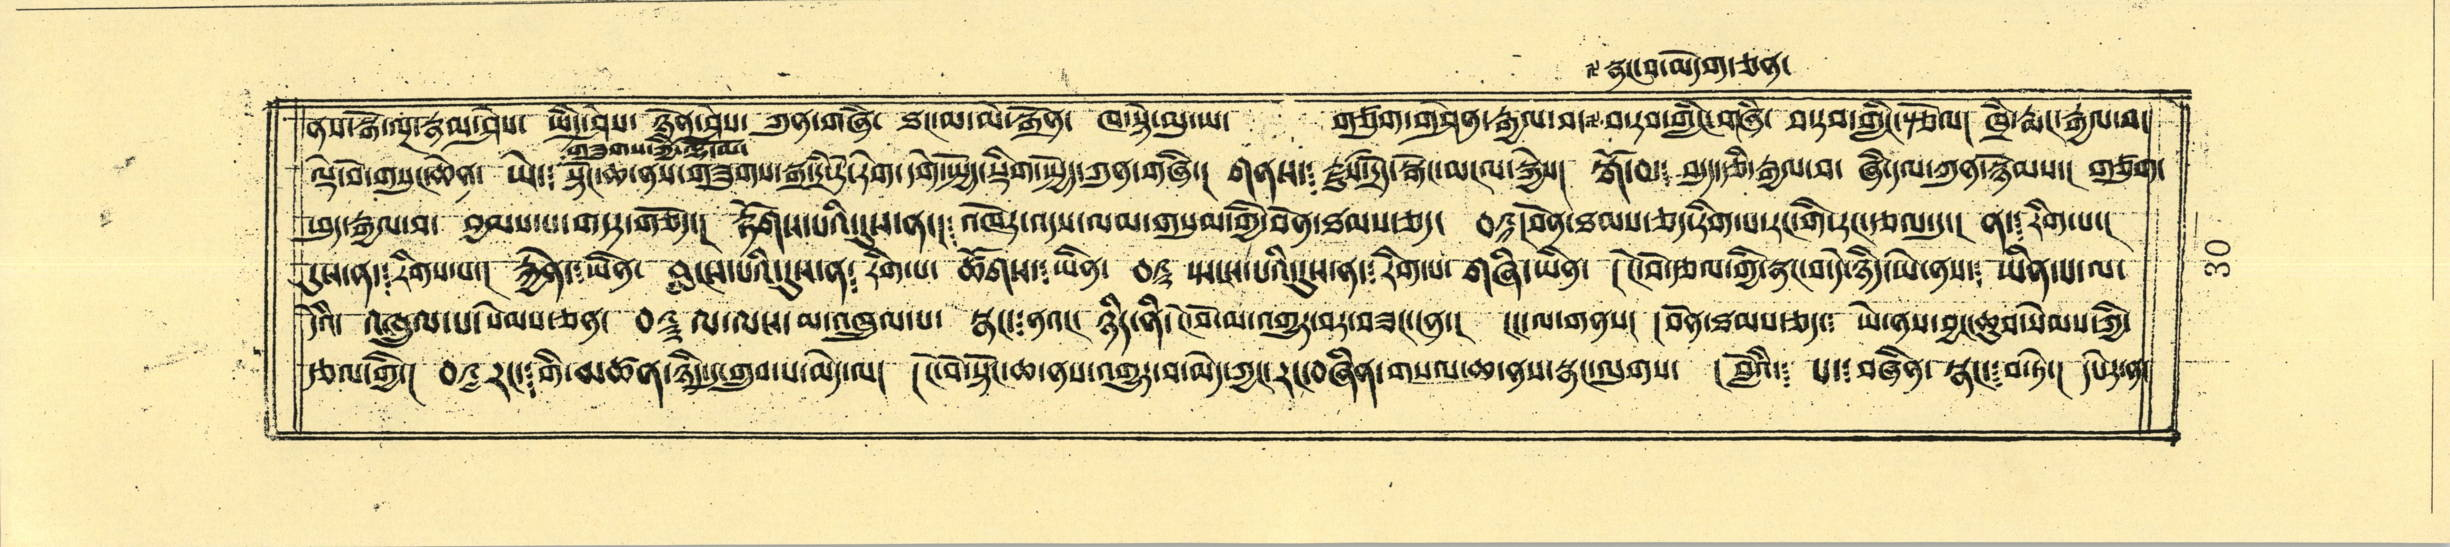༼ནས་སྒོ་ལྔ་རྣམ་ཤེས་ཡིད་ཤེས་ཉོན་ཤེས་ཀུན་གཞི་ཐང་མ་མེ་སྒྲོན་ཁ་སྟེ་མུ་ཡ་གཙུག་གཤེན་རྒྱལ་བ་སྣང་བ་མདོག་ཅན་བ་རབ་གླིང་གཞི་བ་རབ་གླིང་རྩོལ་ཁྲི་རྨང་རྒྱལ་བ་
ལྡེ་བོ་གསུང་ཆེན༽ཡེ༑ ༼སྟོང་ཆ་ནས་གཟུགས་ཀྱི་ལྷ་མོ་གཟུགས་སྒྲ་དྲི་རོ་རེག དགེ་སྤྱོད་སྡིག་སྤྱོད་ཀུན་གཞི༽གནས༑ ༼རྫུས་དྲོད་སྒོང་མངལ་སྐྱེས༽སྒོ་བ༑༼བདུད་རྩི་རྒྱལ་བ་ཞི་དལ་ཀུན་སྙོམས་གཙུག་
ཕུད་རྒྱལ་བ་བྱམས་པ་གདར་གཅོད༽རྟོགས་པའི་དུས་ནས༑༼འཁོར་འདས་ལམ་གསུམ་གྱི་བོན་ཐམས་ཅད་༽ བ༩།༡ ༼བོན་ཐམས་ཅད་རིག་པ་རང་གི་རྩལ་དུ་༽ན༼རིག་པ
༽དུས་ན༑༼རིགས་པ༽རྐྱེན༑༼ཡིན༽བླངས་པའི་དུས་ན༑༼རིག་པ༽ཚོགས༑༼ཡིན༽ བ༩།༢ སྤངས་པའི་དུས་ན༑༼རིག་པ༽གཞི༑༼ཡིན༽༼ངོ་བོ་རྩལ་གྱི་སྣང་བ་དེ་ཉིད་ཡེ་ནས༽ཡིན་པ་ལ༑
༼དེའི༽འཁྲུལ་པ༑༼སེམས་ཅན༽བ༩།༣ ལ་ལས༑༼མ་འཁྲུལ་པ༽སྣང༑༼ནའང༽ཉིད་ནི༑༼ངོ་བོ་མ་འགྱུར་བར་བཟང་ངན་ངང་ལ་གནས་བོན་ཐམས་ཅད་ཡེ་ནས་བྱང་ཆུབ་སེམས་ཀྱི་
རྩལ་གྱི༽ བ༩།༤རང༑༼གི་མཚན་ཉིད་ཀྱིས་གྲུབ་པ་མེད་ལ་ངོ་བོ་སྟོང་ཆ་ནས་འགྱུར་བ་མེད་ཀྱང་༼རང་བཞིན༽གསལ་ཆ་ནས་སྣང་ལུགས༽བློ་ཡི༑ ས༑ ༼བཞིན༽སྣང་༑༼བ་སྟེ་དཔེར་ན༽